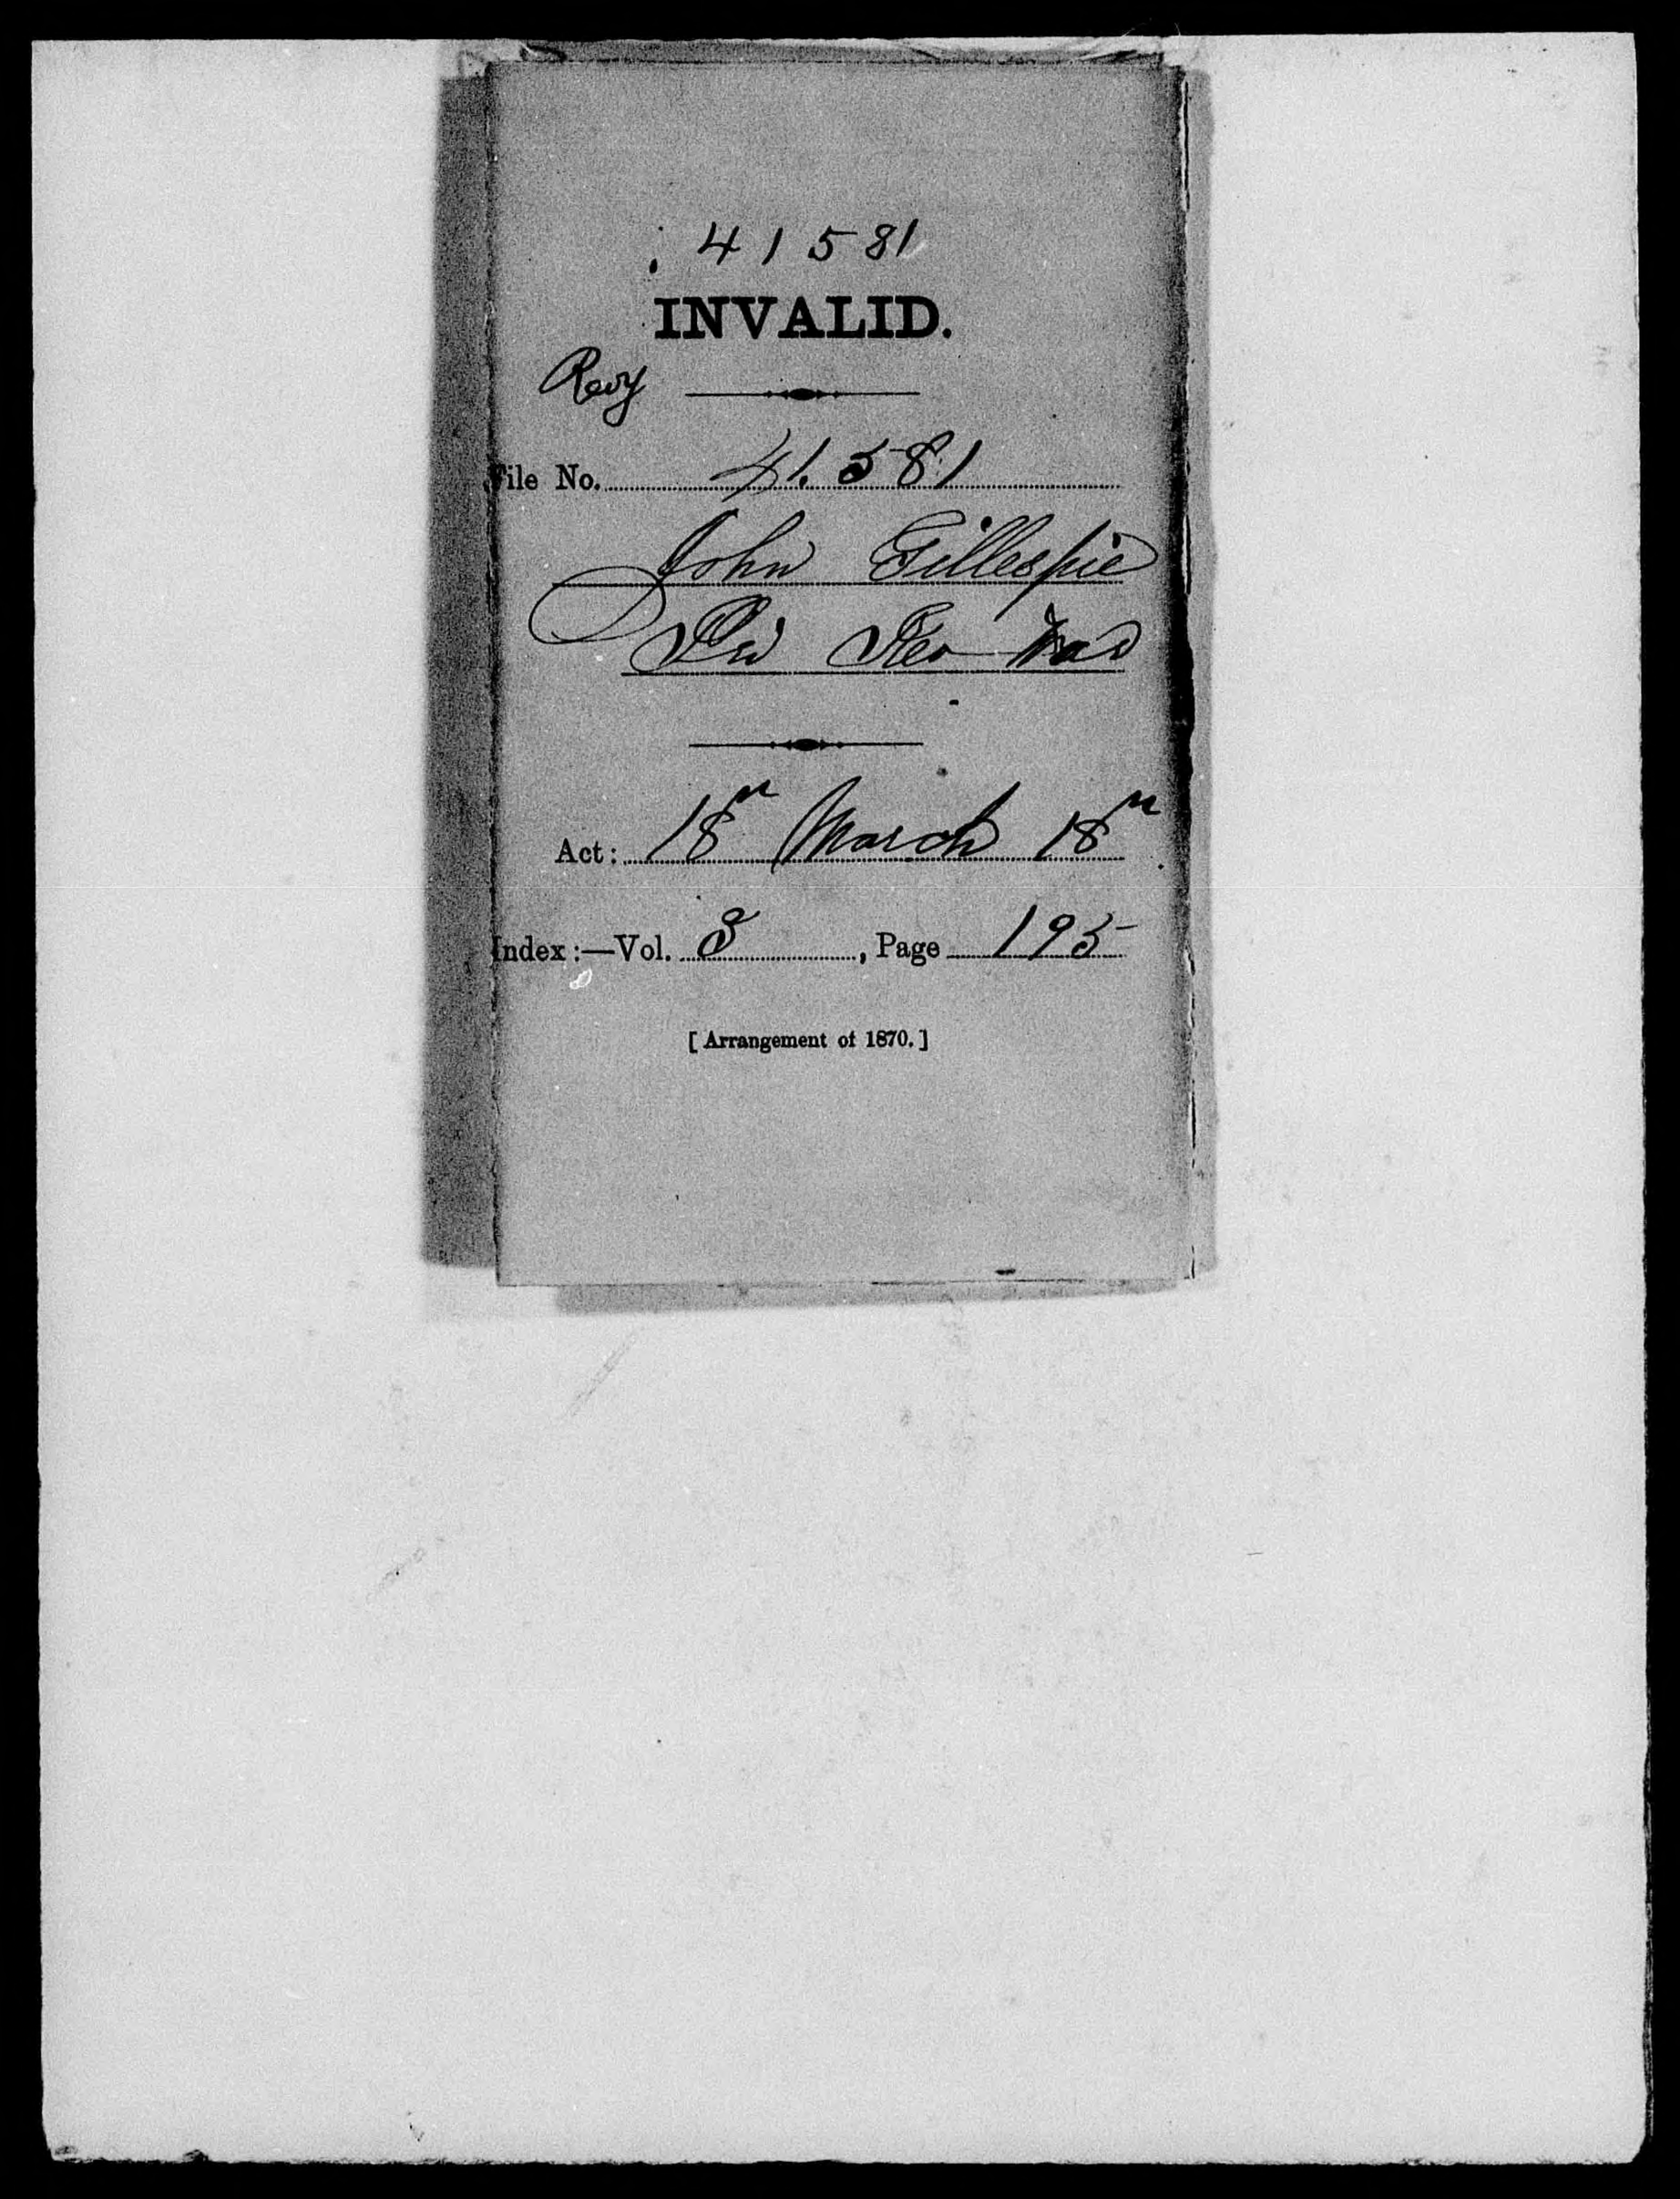41581
Invalid
Revy

File No. 41.581
John Gillespie
[illegible]
Act; 18th March 18th
Index: Vol 8, Page 193

Arrangement of 1870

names: John Gillespie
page: 11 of 20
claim: survivor's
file: S. 41581, John Gillespie, Continental Del.